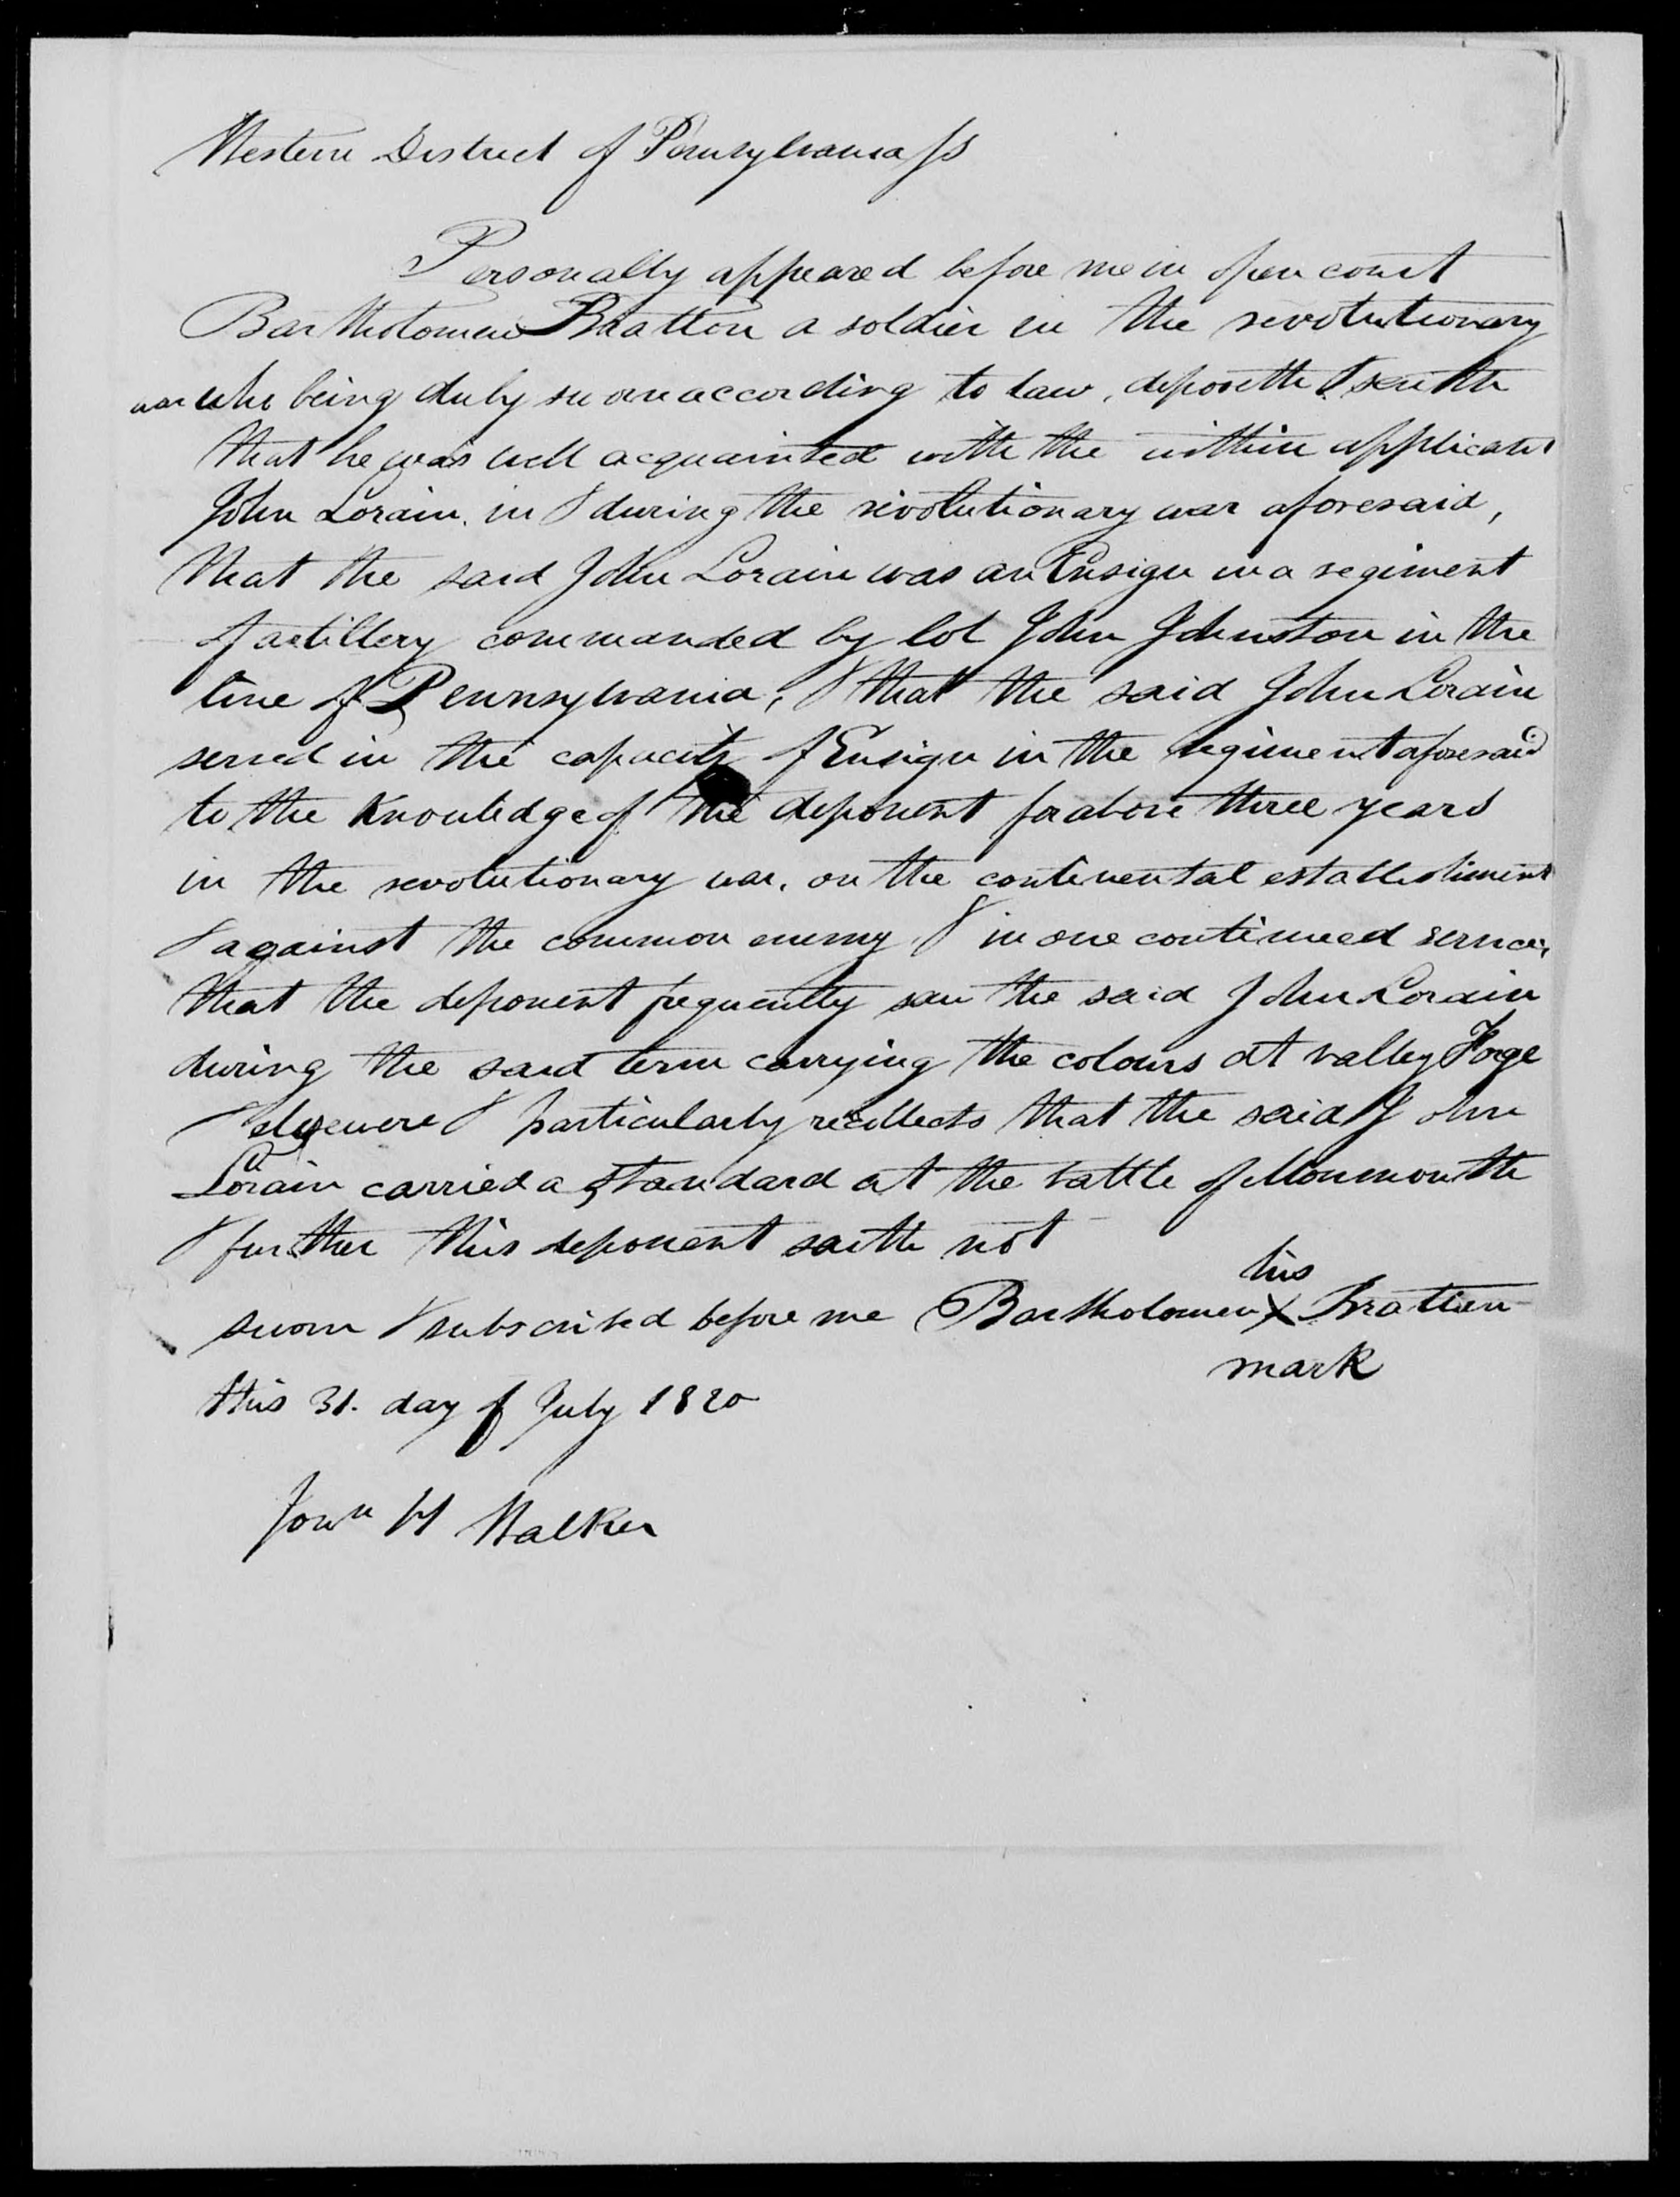Western District of Pennsylvania [illegible]

Personally appeared before me in open court Bartholomew Bratton a soldier in the revolutionary war who being duly sworn according to law, deposeth & saith that he was well acquainted with the within applicant John Lorain, in & during the revolutionary war aforesaid, that the said John Lorain was an Ensign in a regiment of artillery commanded by Col John Johnston in the line of Pennsylvania, & that the said John Loraine served in the capacity of Ensign in the regiment aforesaid to the knowledge of the deponent for above three years in the revolutionary was, on the continental establishment & against the common enemy, & in one continued service; that the deponent frequently saw the said John Lorain during the said [illegible] carrying the colours at valley Forge [illegible] & particularly recollects that the said John Lorain carried a standard at the battle of Monmouth & further this deponent saith not

Sworn & subscribed before me this 31 day of July 1820

John H Walker [signature]

Bartholomew Bratton
his x mark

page: 9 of 21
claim: survivor's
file: S. 40,098, for John Lorain, Pennsylvania